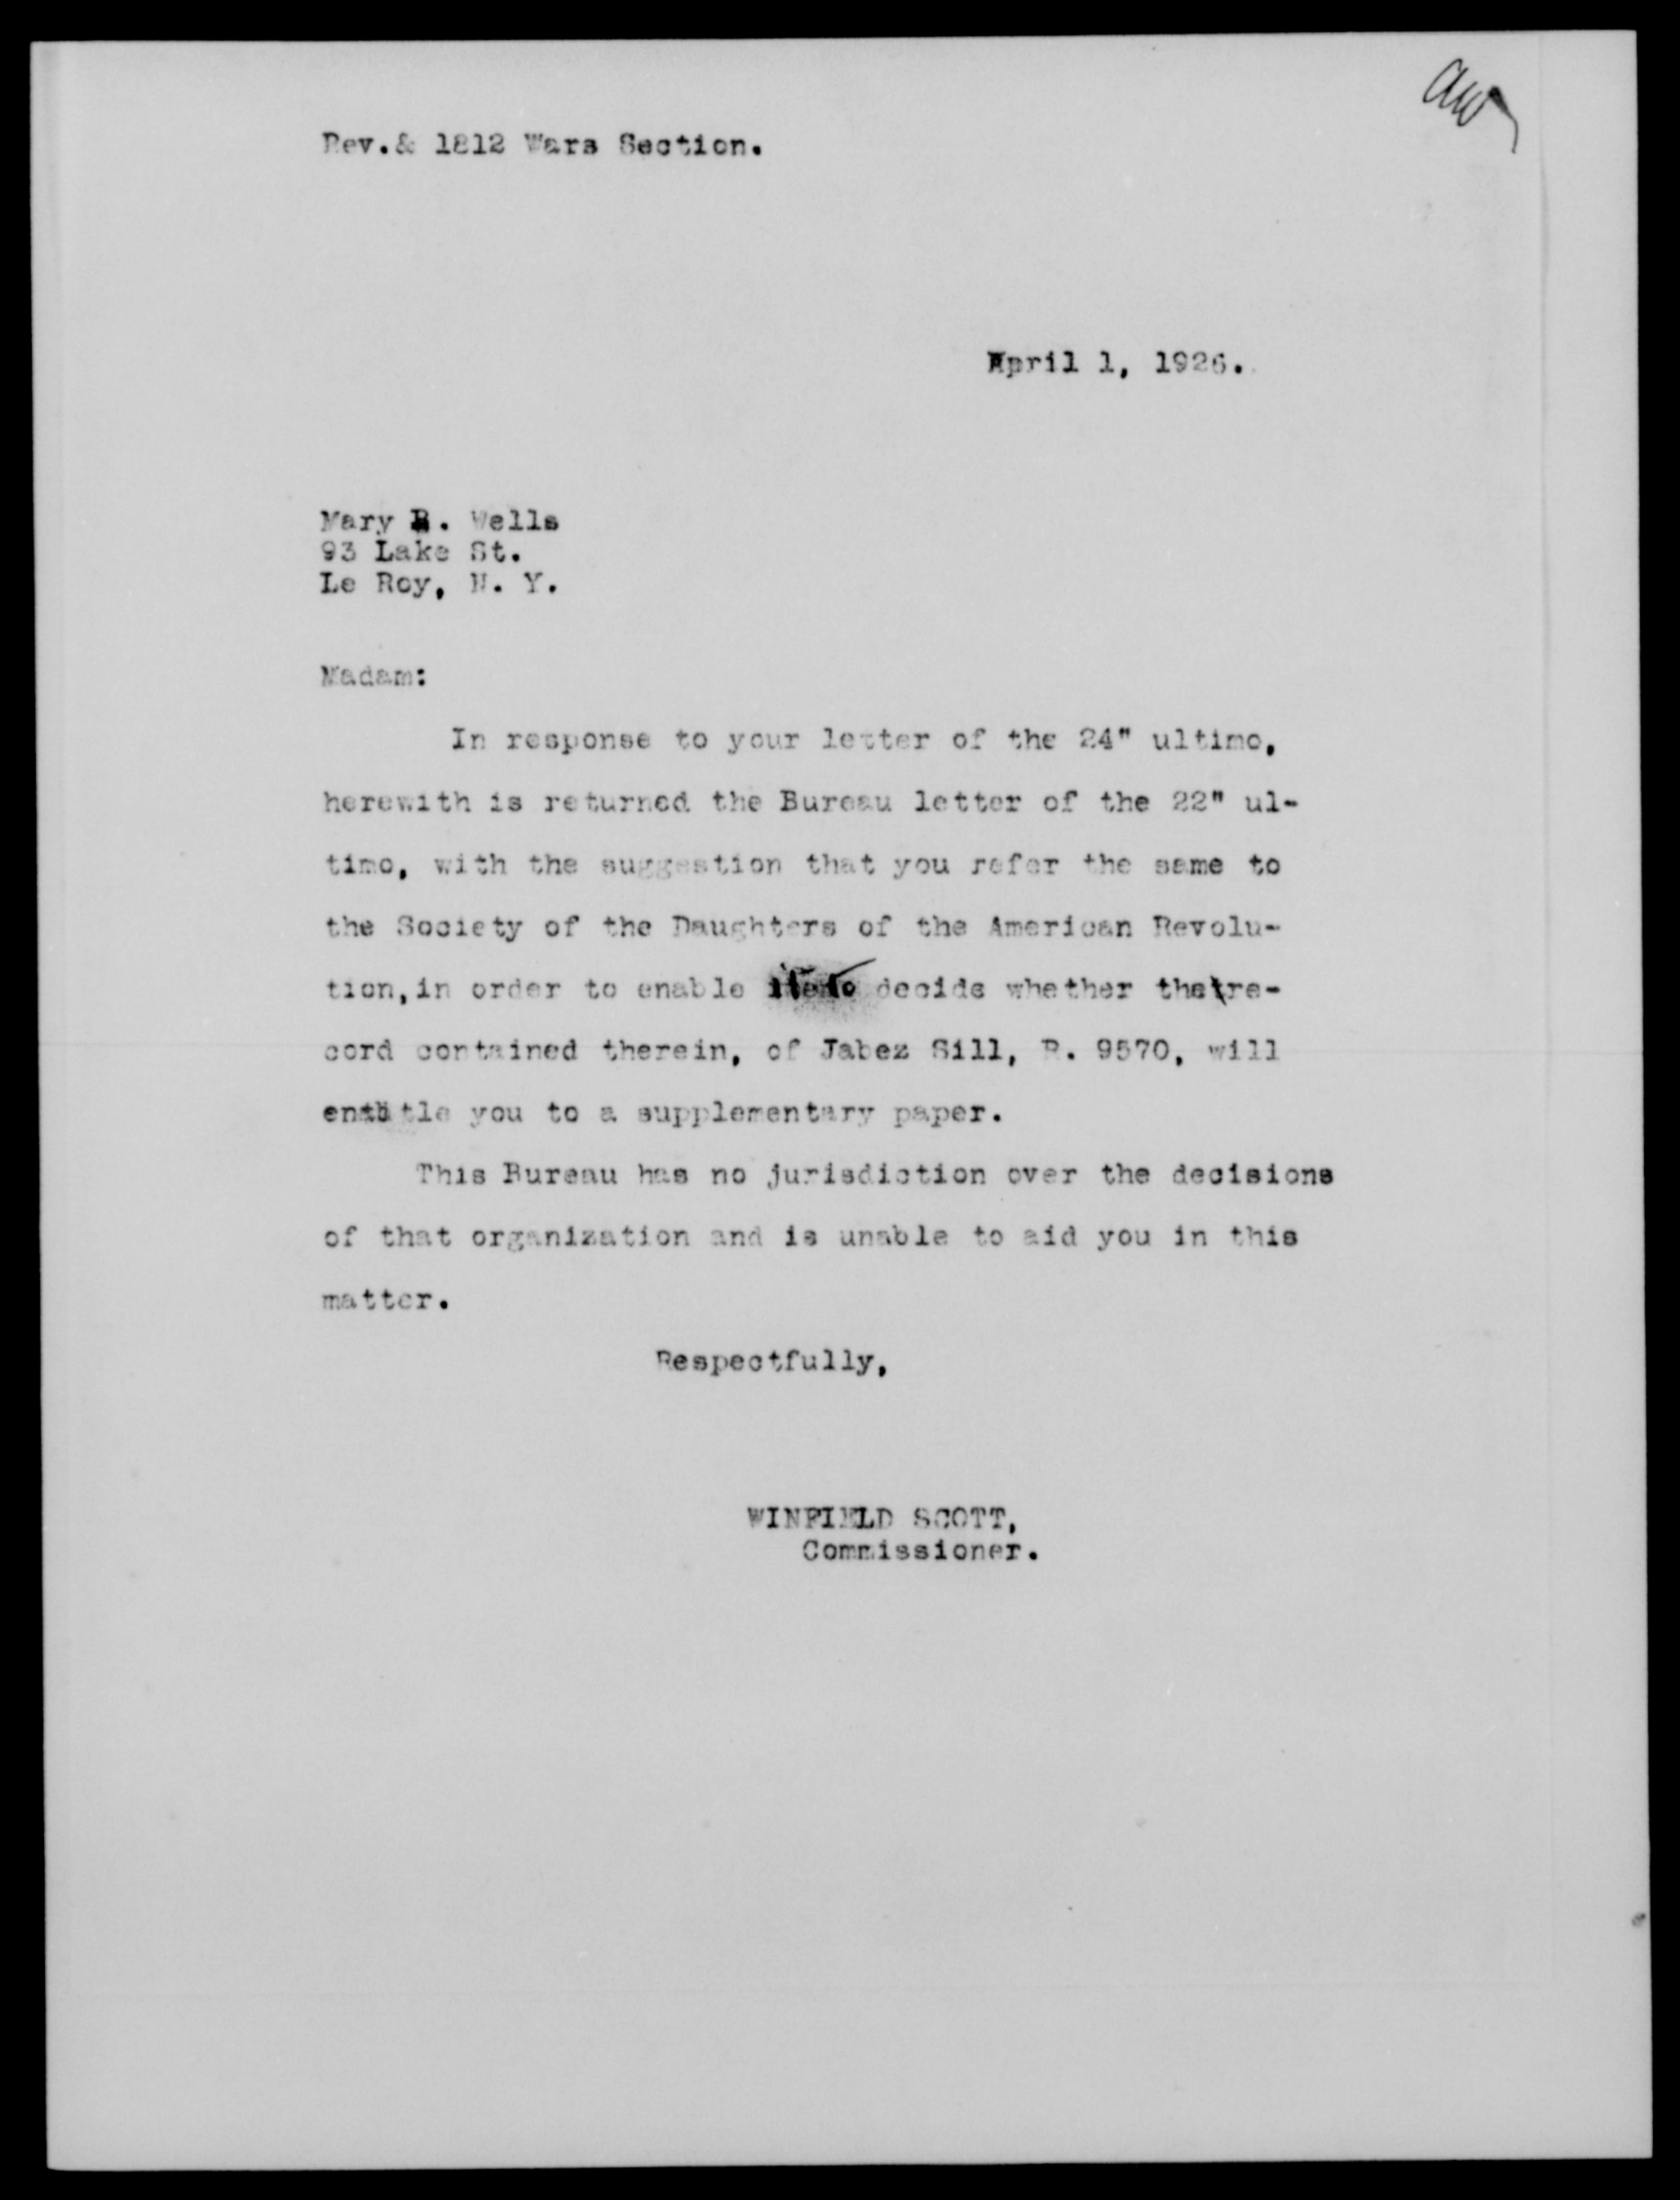Mary B. Wells
93 Lake St.
Le Roy, N.Y.

Madam:

In response to your letter of the 24" ultimo, herewith is  returned the Bureau letter of the 22" ultimo, with the suggestion that you refer the same to the Society of the Daughters of the American Revolution, in order to enable it to decide whether the  record contained therein, of Jabez Sill, R. 9570, will entitle you to a supplementary paper.

This Bureau has no jurisdiction over the decisions of that organization and is unable to aid you in this matter.

Respectfully,

WINFIELD SCOTT,
Commissioner.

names: Mary B Wells; Jabez Sill; Winfield Scott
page: 17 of 29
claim: rejected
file: R. 9570, for Jabez Sill, Connecticut